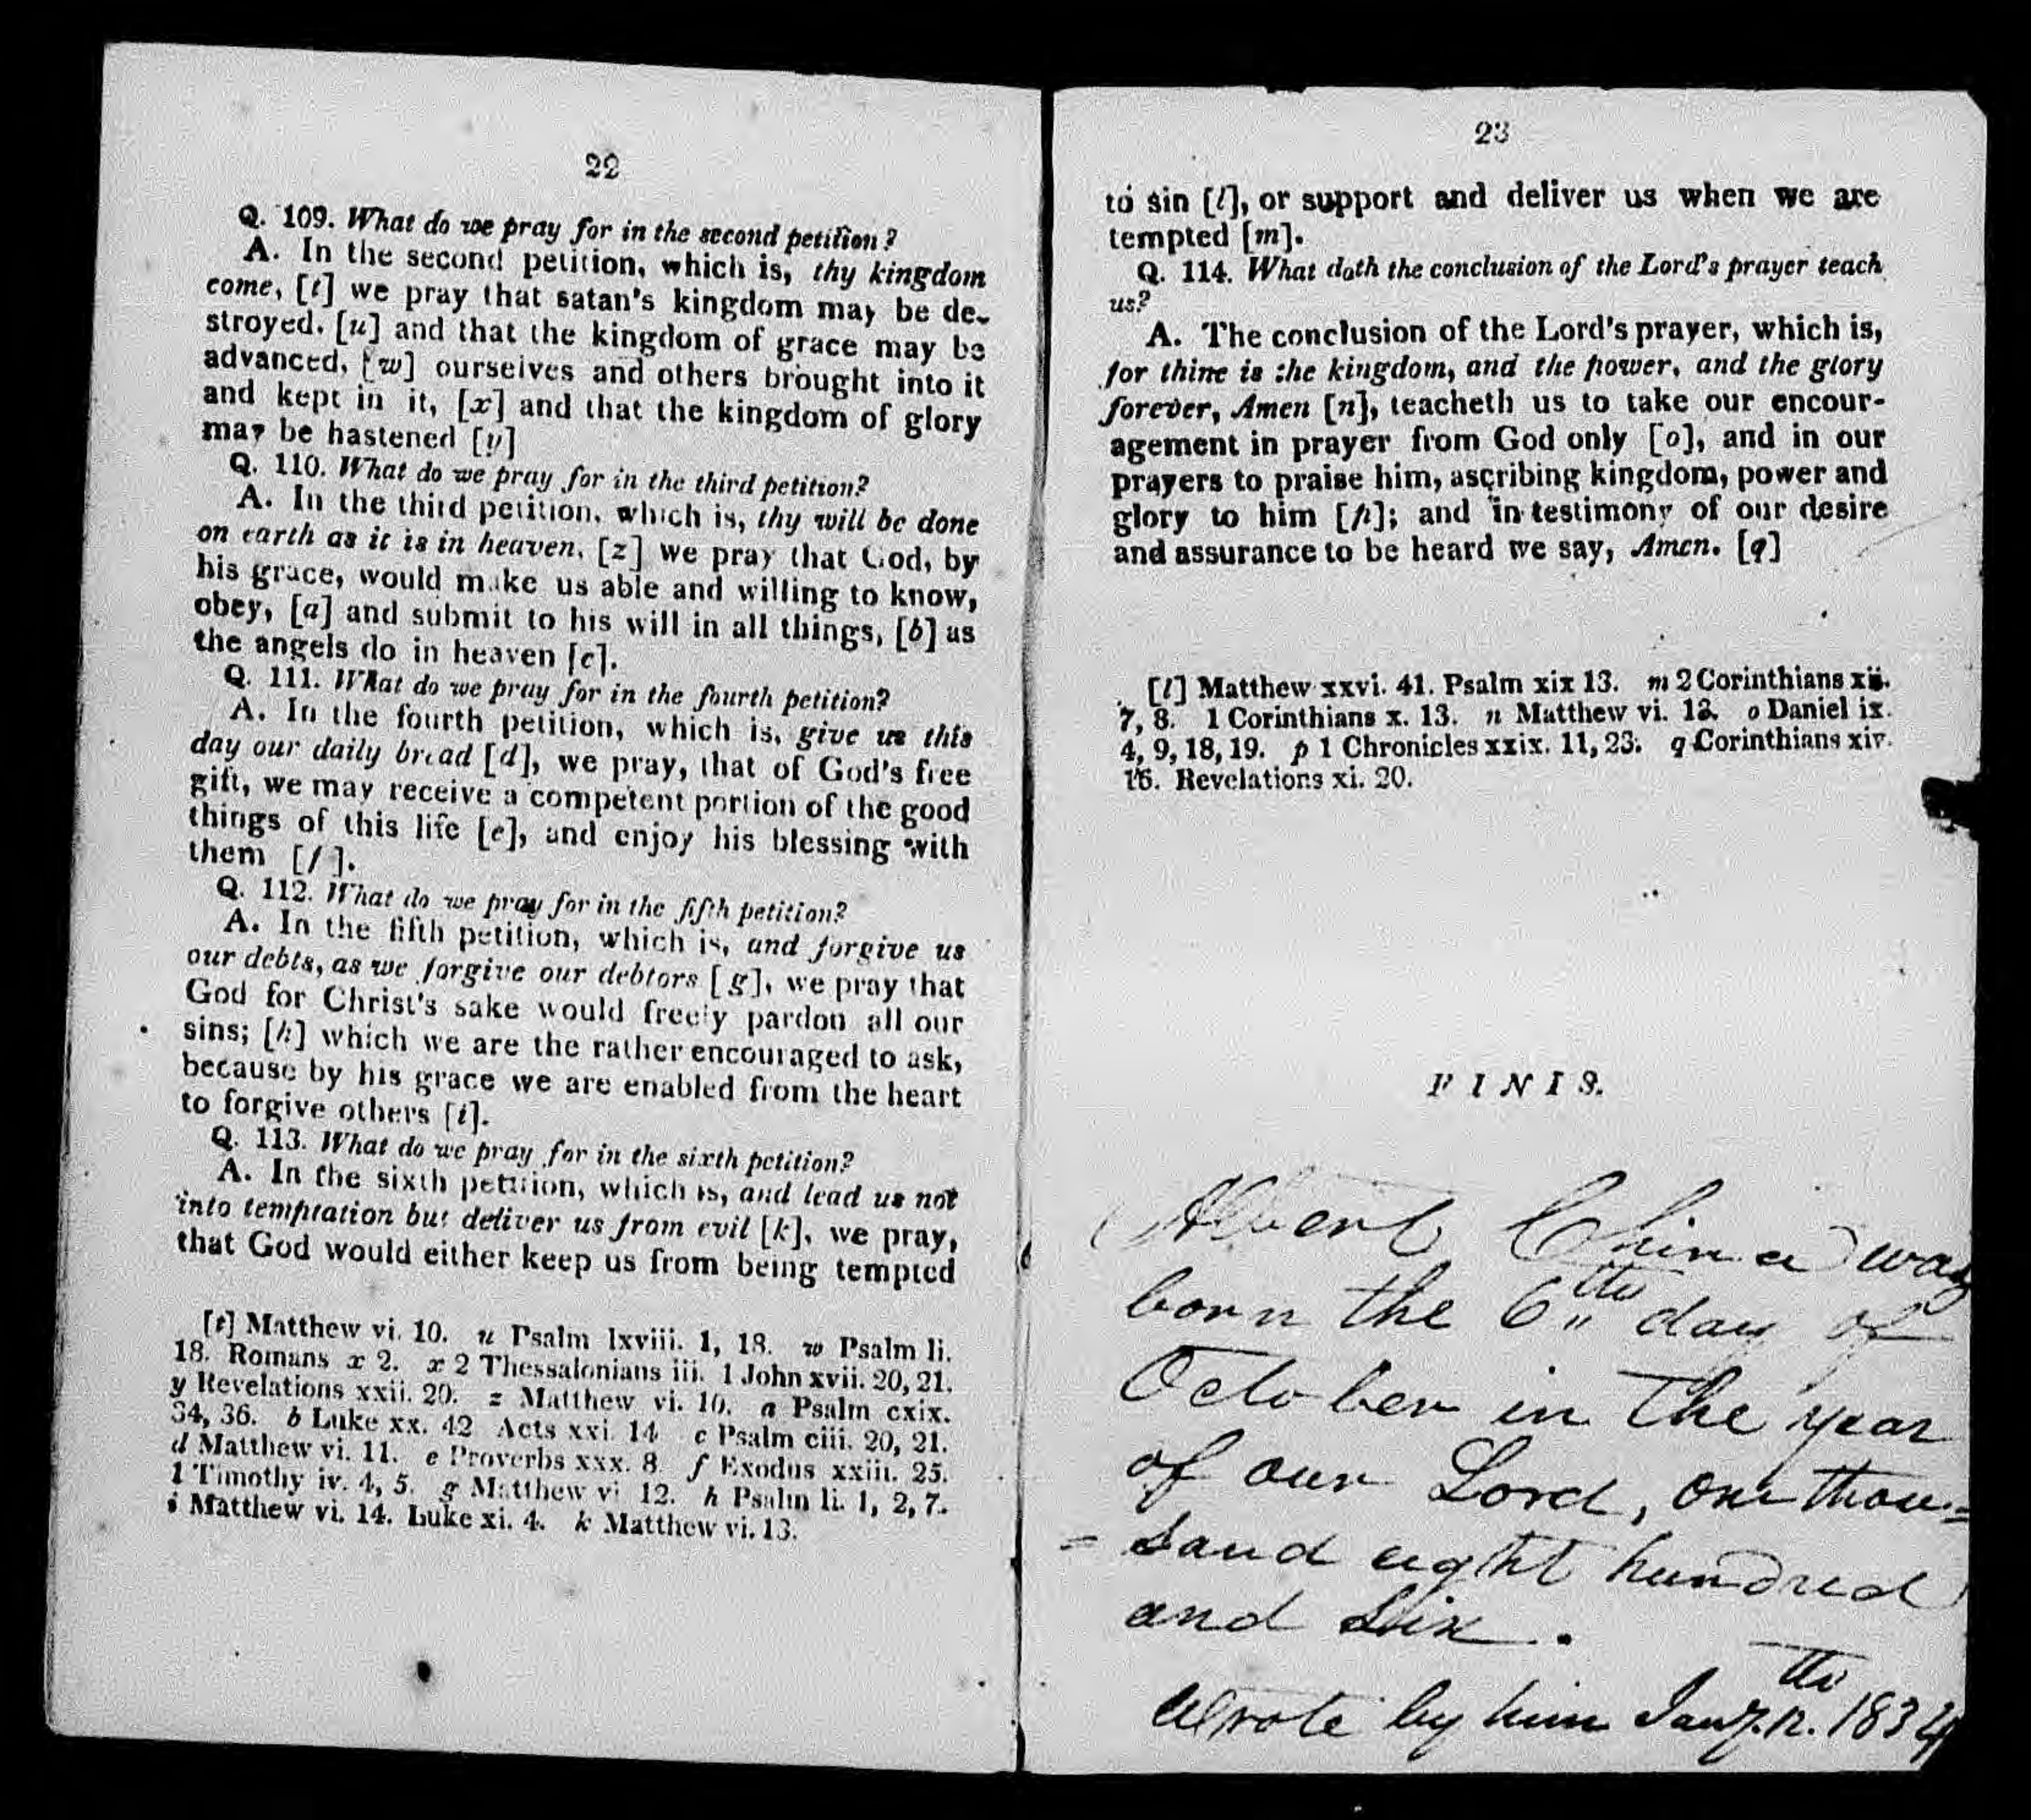[this document is page 22 and 23 of a 100+  page book published by he Baptist Association of Charleston and most of the pages have not been transcribed.  The following transcription is of a handwritten note at the bottom of page 23]

Finis.

Albert China was
born the 6th day of
October in the year [illegible ]
of our Lord, one thousand
and eight hundred ┃
and six.
Wrote by him Jany the 12. 1834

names: Luke, Matthew, Matthew, Matthew, Timothy, Matthew, Daniel, Matthew, Matthew, Luke, Matthew, Albert China, John, Matthew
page: 72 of 98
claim: widow's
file: W. 8398, William Broadway, S.C.